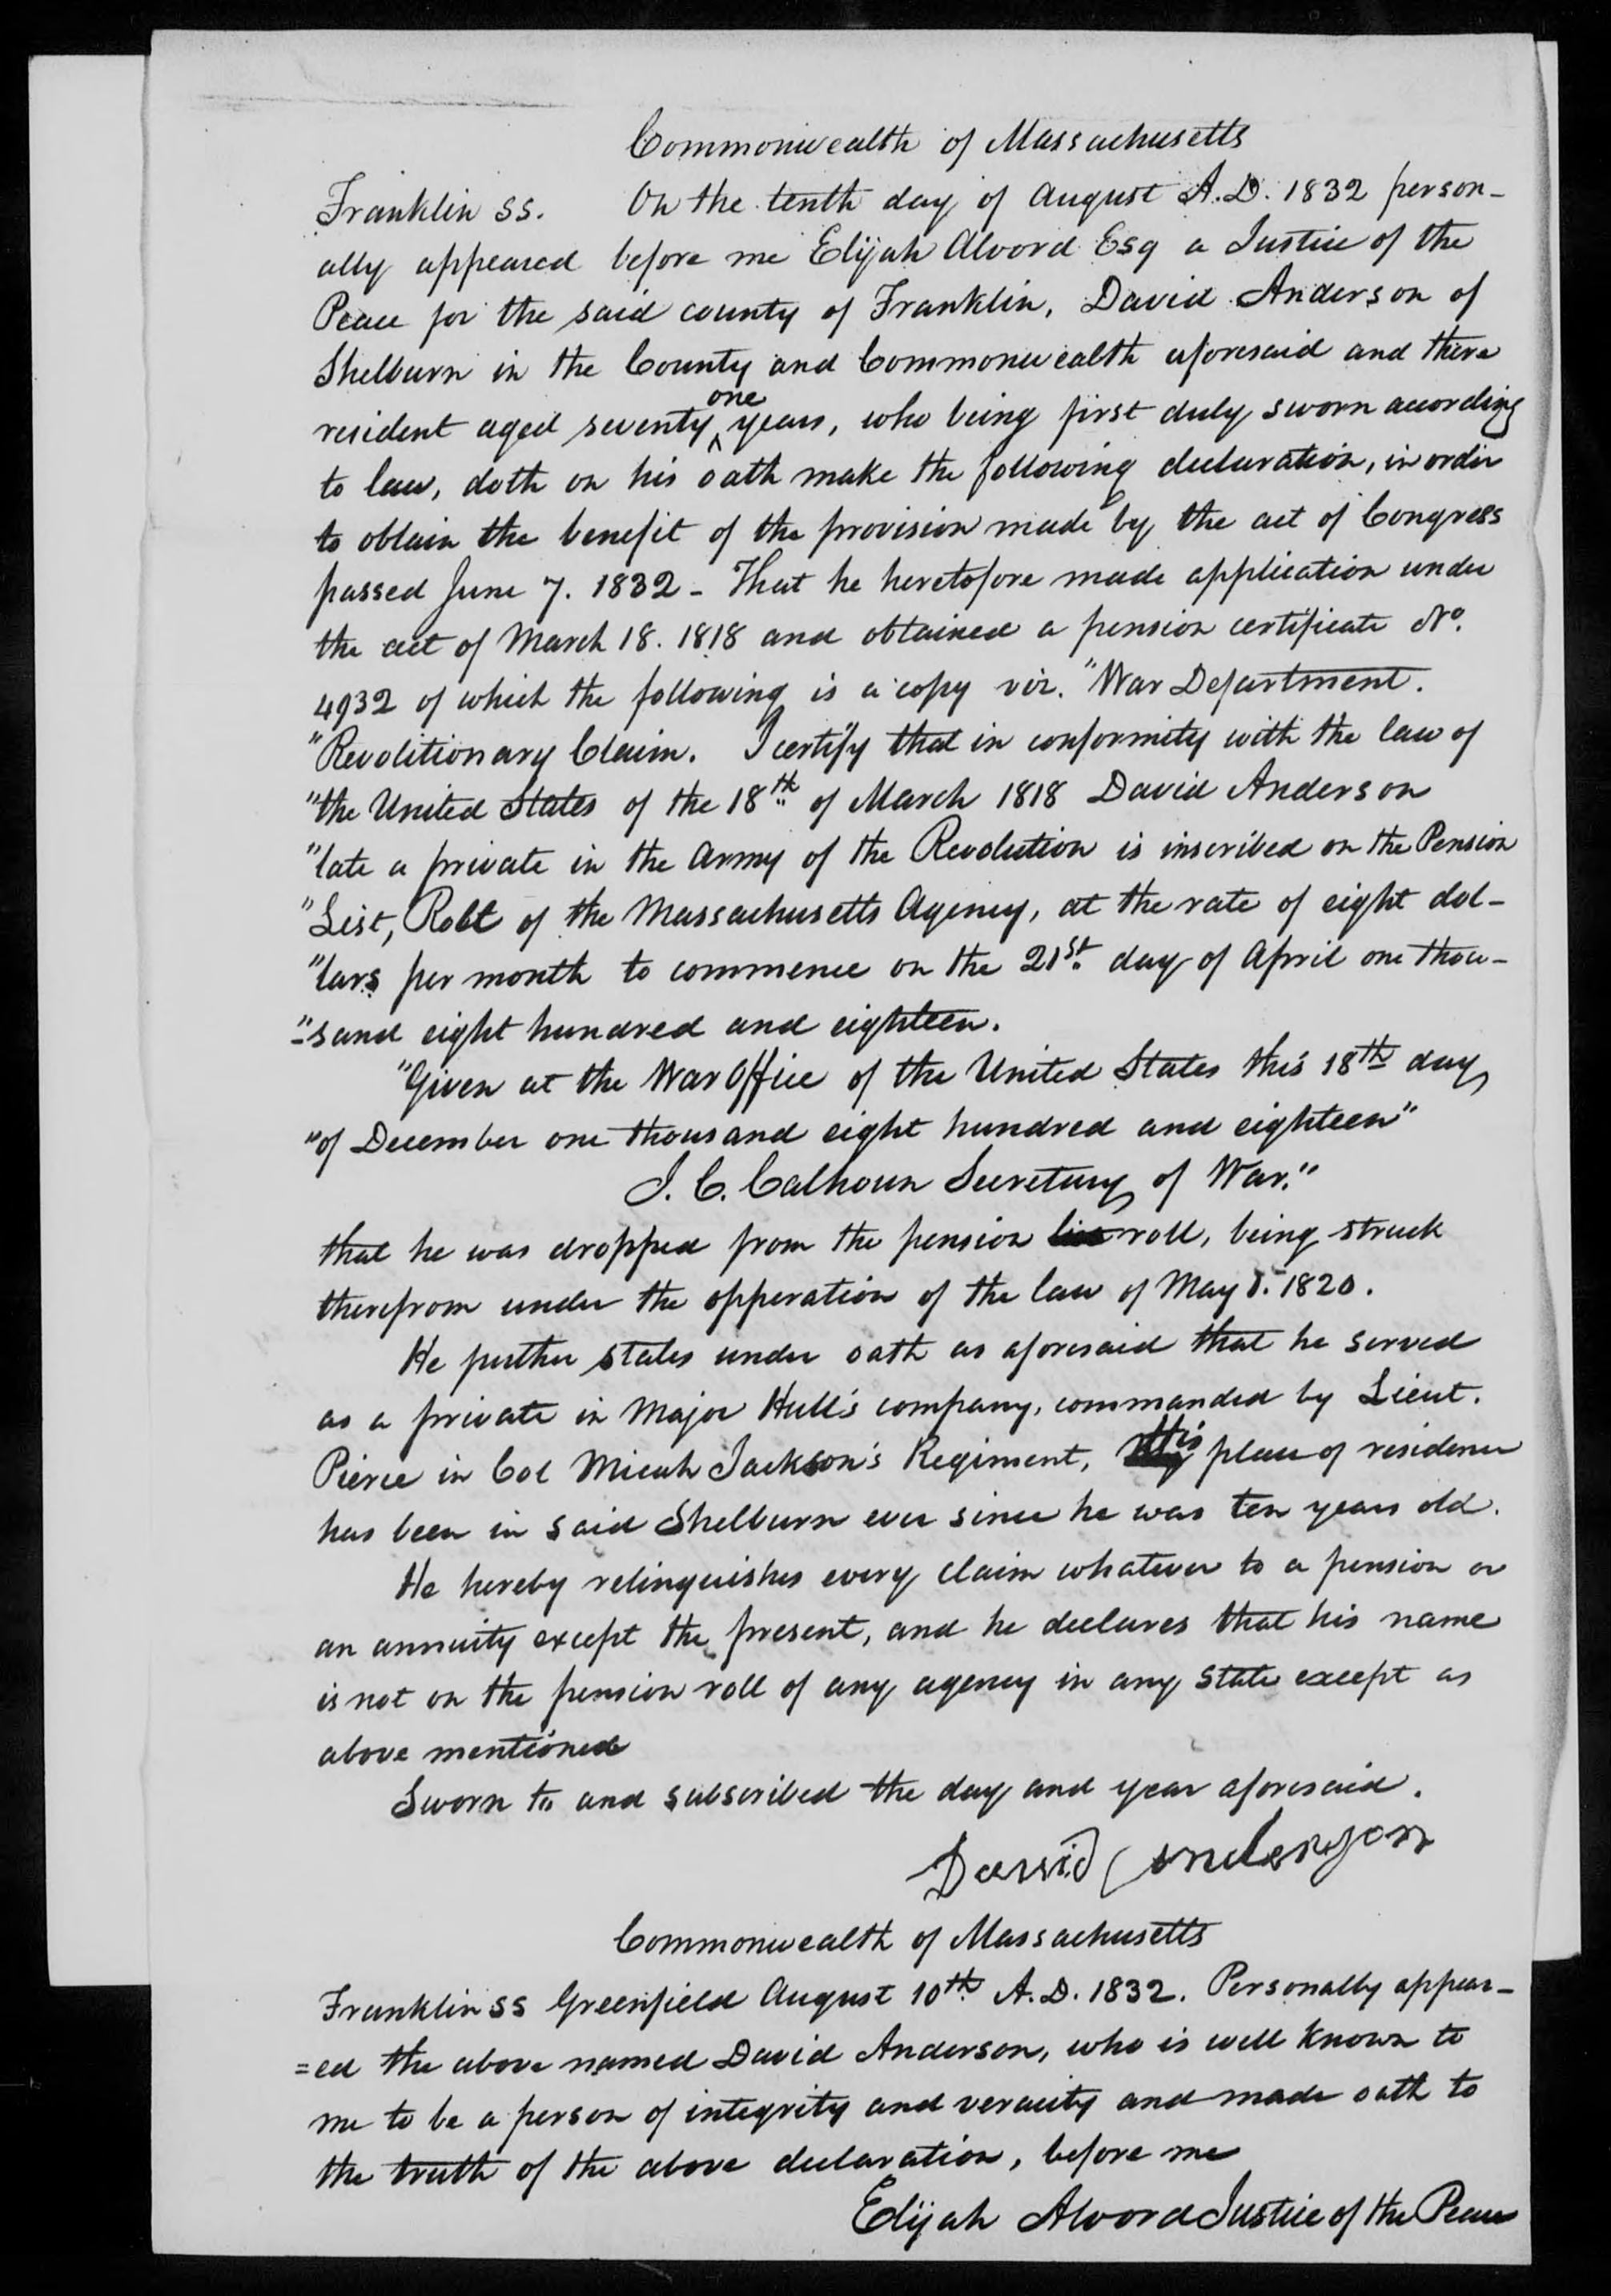Commonwealth of Massachusetts
Franklin SS.
On the tenth day of August A.D. 1832 personally
appeared before me Elijah Alvord Esq a Justice of the
Peace for the said county of Franklin, David Anderson of 
Shelburn in the County and Commonwealth aforesaid and their 
resident aged seventy one years, who being first duly sworn according
to law, doth on his oath make the following declaration, in order
to obtain the benefit of the provision made by the act of Congress
passed June 7, 1832. That he heretofore made application under
the act of March 18, 1818 and obtained a pension certificate No.
4932 of which the following is a copy viz. "War Department.
"Revolutionary Claim. I certify that in conformity with the law of 
"the United States of the 18th of March 1818 David Anderson
"late a private in the Army of the Revolution is inscribed on the Pension
"List, Robt of the Massachusetts Agency, at the rate of eight dollars
"per month to commence on the 21st day of April one thousand
"eight hundred and eighteen.
"at the War Office of the United States this 18th day
"of December one thousand eight hundred and eighteen"
J.C. Calhoun Secretary of War."
that he was dropped from the pension roll, being struck 
there from under the opperation of the law of May 8, 1820.
He further states under oath as foresaid that he served
as a private in Major Hull's company, commanded by Lieut.
Pierce in Col Micah Jackson's Regiment. His place of residence has been in said Shelburn ever since he was ten years old.
He hereby relinguishes every claim whatever to a pension or
an annuity except the present, and he declares that his name
is not on the pension roll of any agency in any state except as
above mentioned
Sworn to and subscribed the day and year aforesaid.
David Anderson [signature]
Commonwealth of Massachusetts
Franklin SS Greenfield August 10th A.D. 1832. Personally appeared
the above named David Anderson, who is well known to
me to be a person of integrity and veracity and made oath to
the truth of the above declaration, before me
Elijah Alvord Justice of the Peace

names: David Anderson, Pierce, Elijah Alvord, David Anderson, J C Calhoun, David Anderson, Elijah Alvord, Robt, David Anderson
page: 9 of 39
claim: widow's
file: W. 20624, David Anderson, Mass